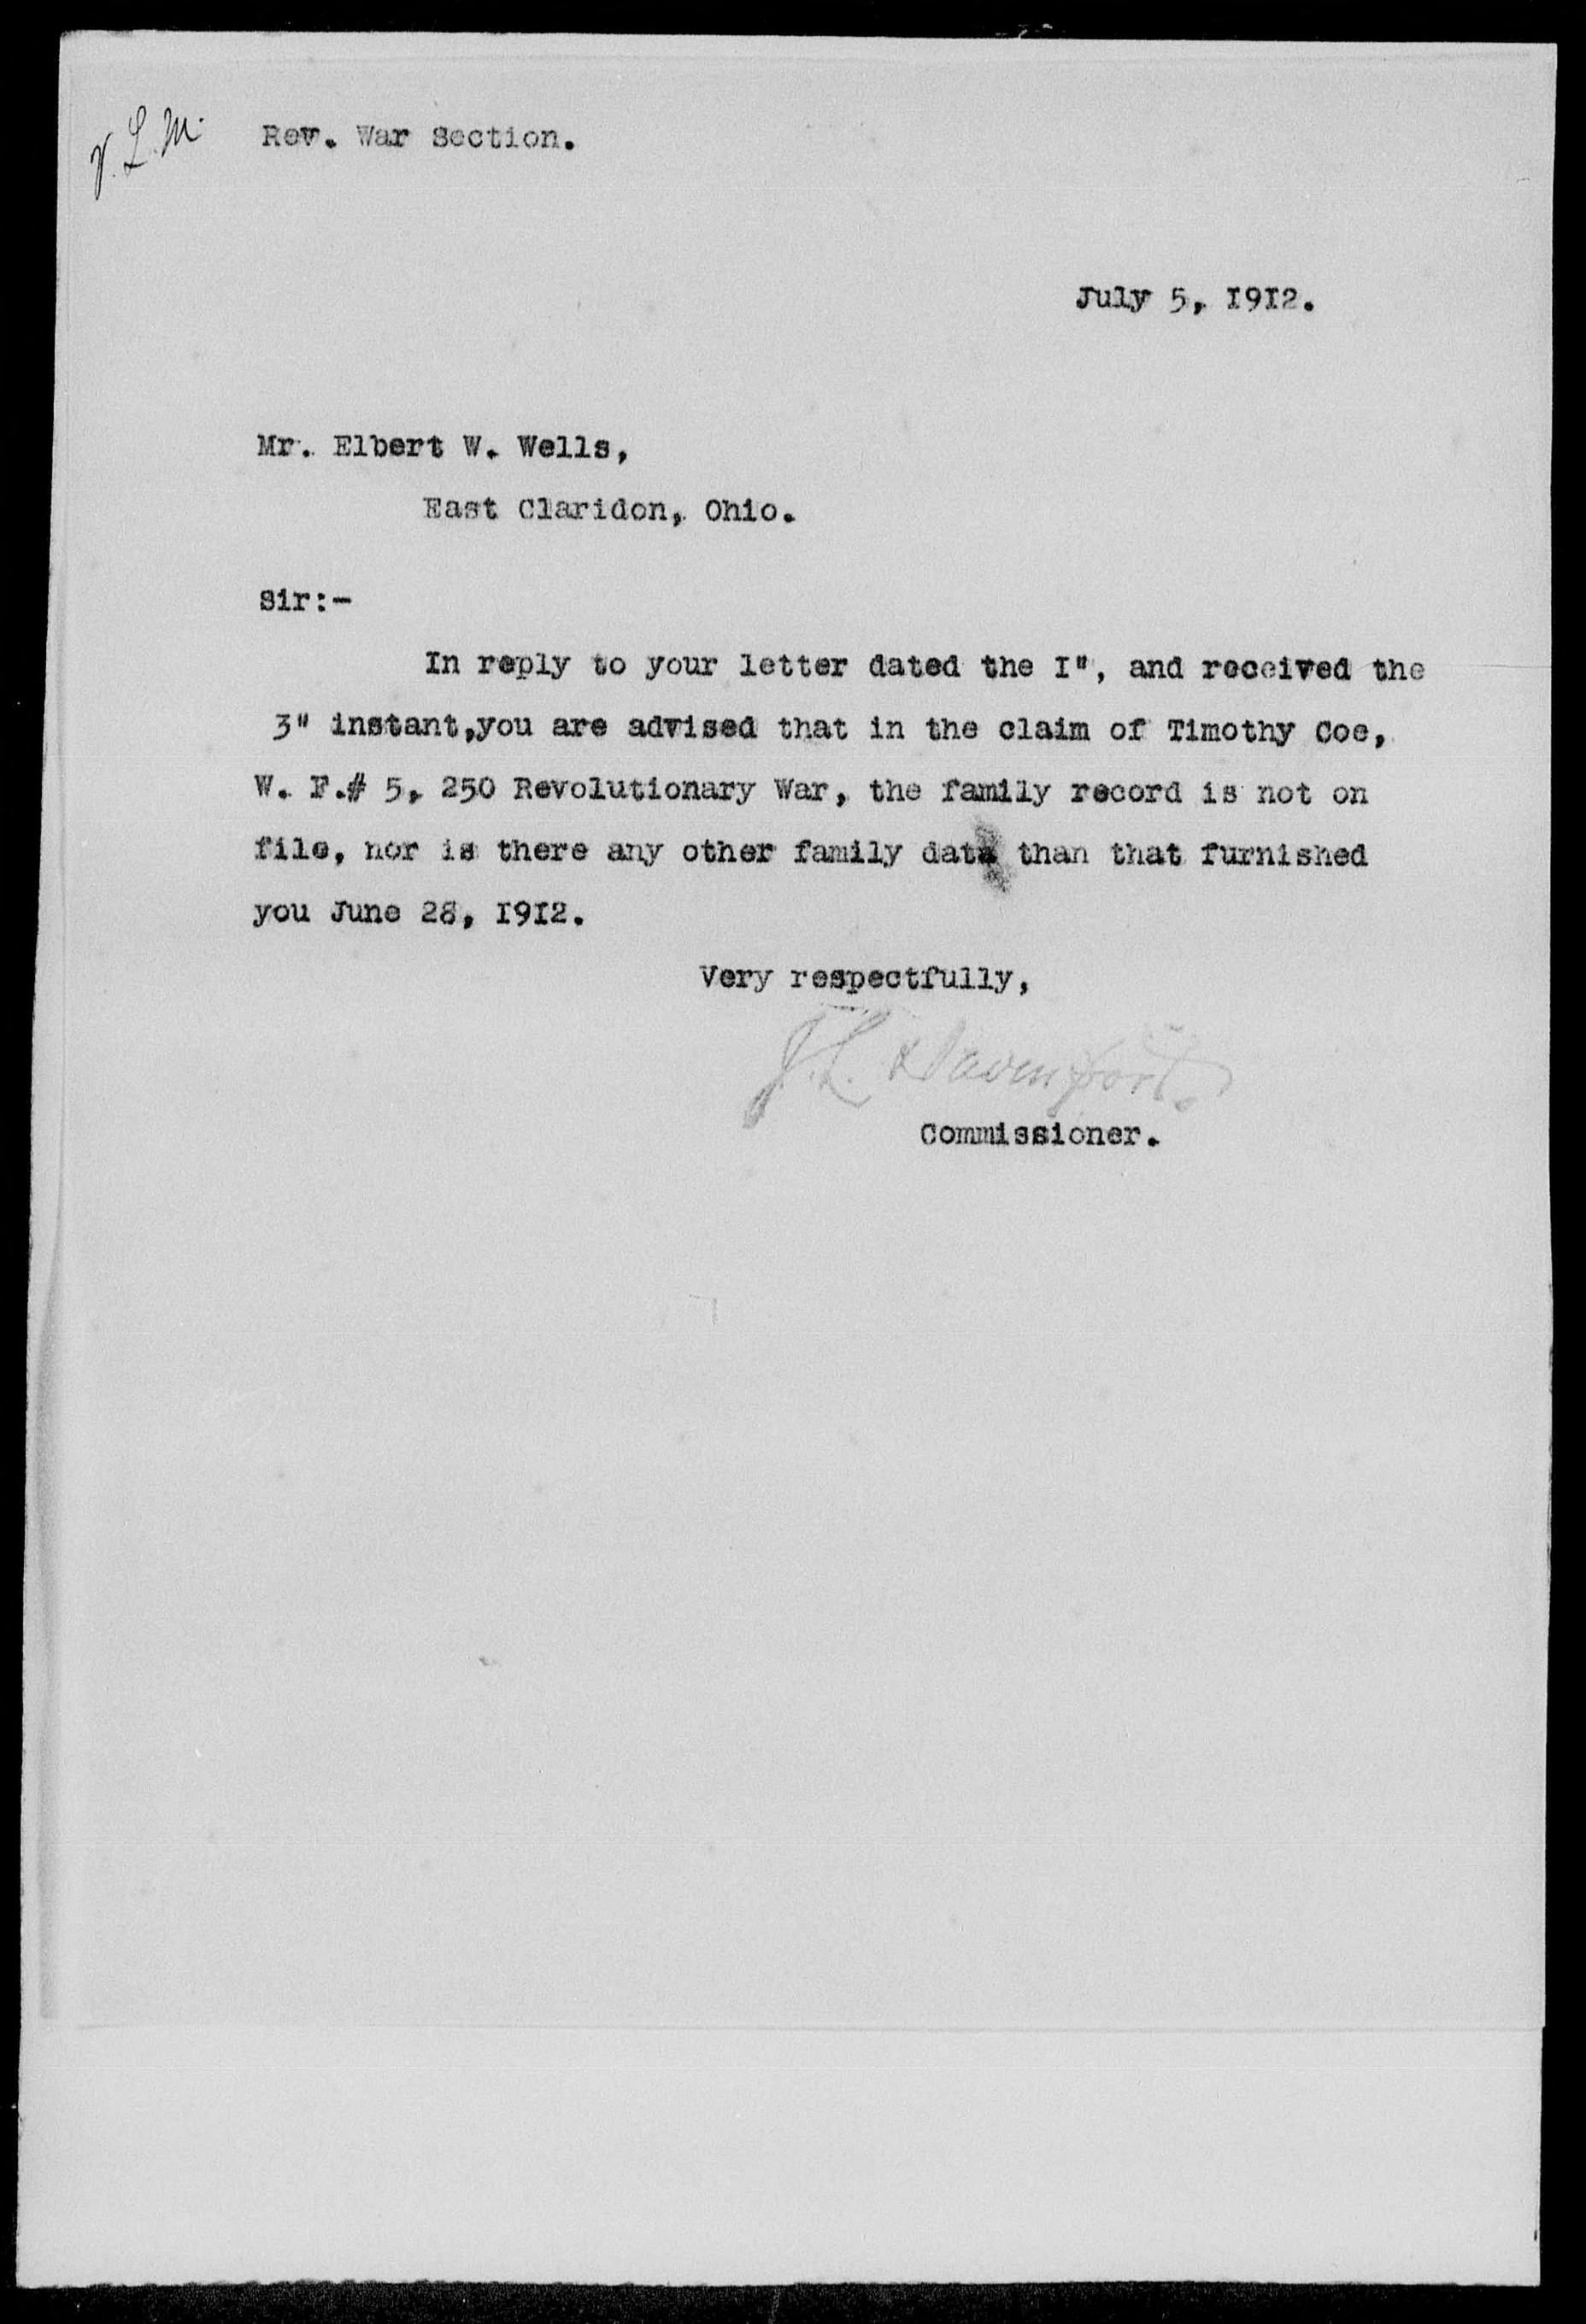Rev. War Section

July 5, 1912
Mr. Elbert W, Wells,
East Claridon, Ohio.

Sir:-
In reply to your letter dated the I#, and received the 3# instant, you are advised that in the claim of Timothy Cole, W.F.# 5, 250 Revolutionary War, the family record is not on file, nor is there other family data than that furnished you June 28, 1912.
Very respectfully,
J.L. Davenport (name stamped)
Commissioner.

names: Timothy Coe, Elbert W Wells, J L Davenport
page: 76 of 76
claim: widow's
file: W. 5,250, Timothy Coe, Conn.